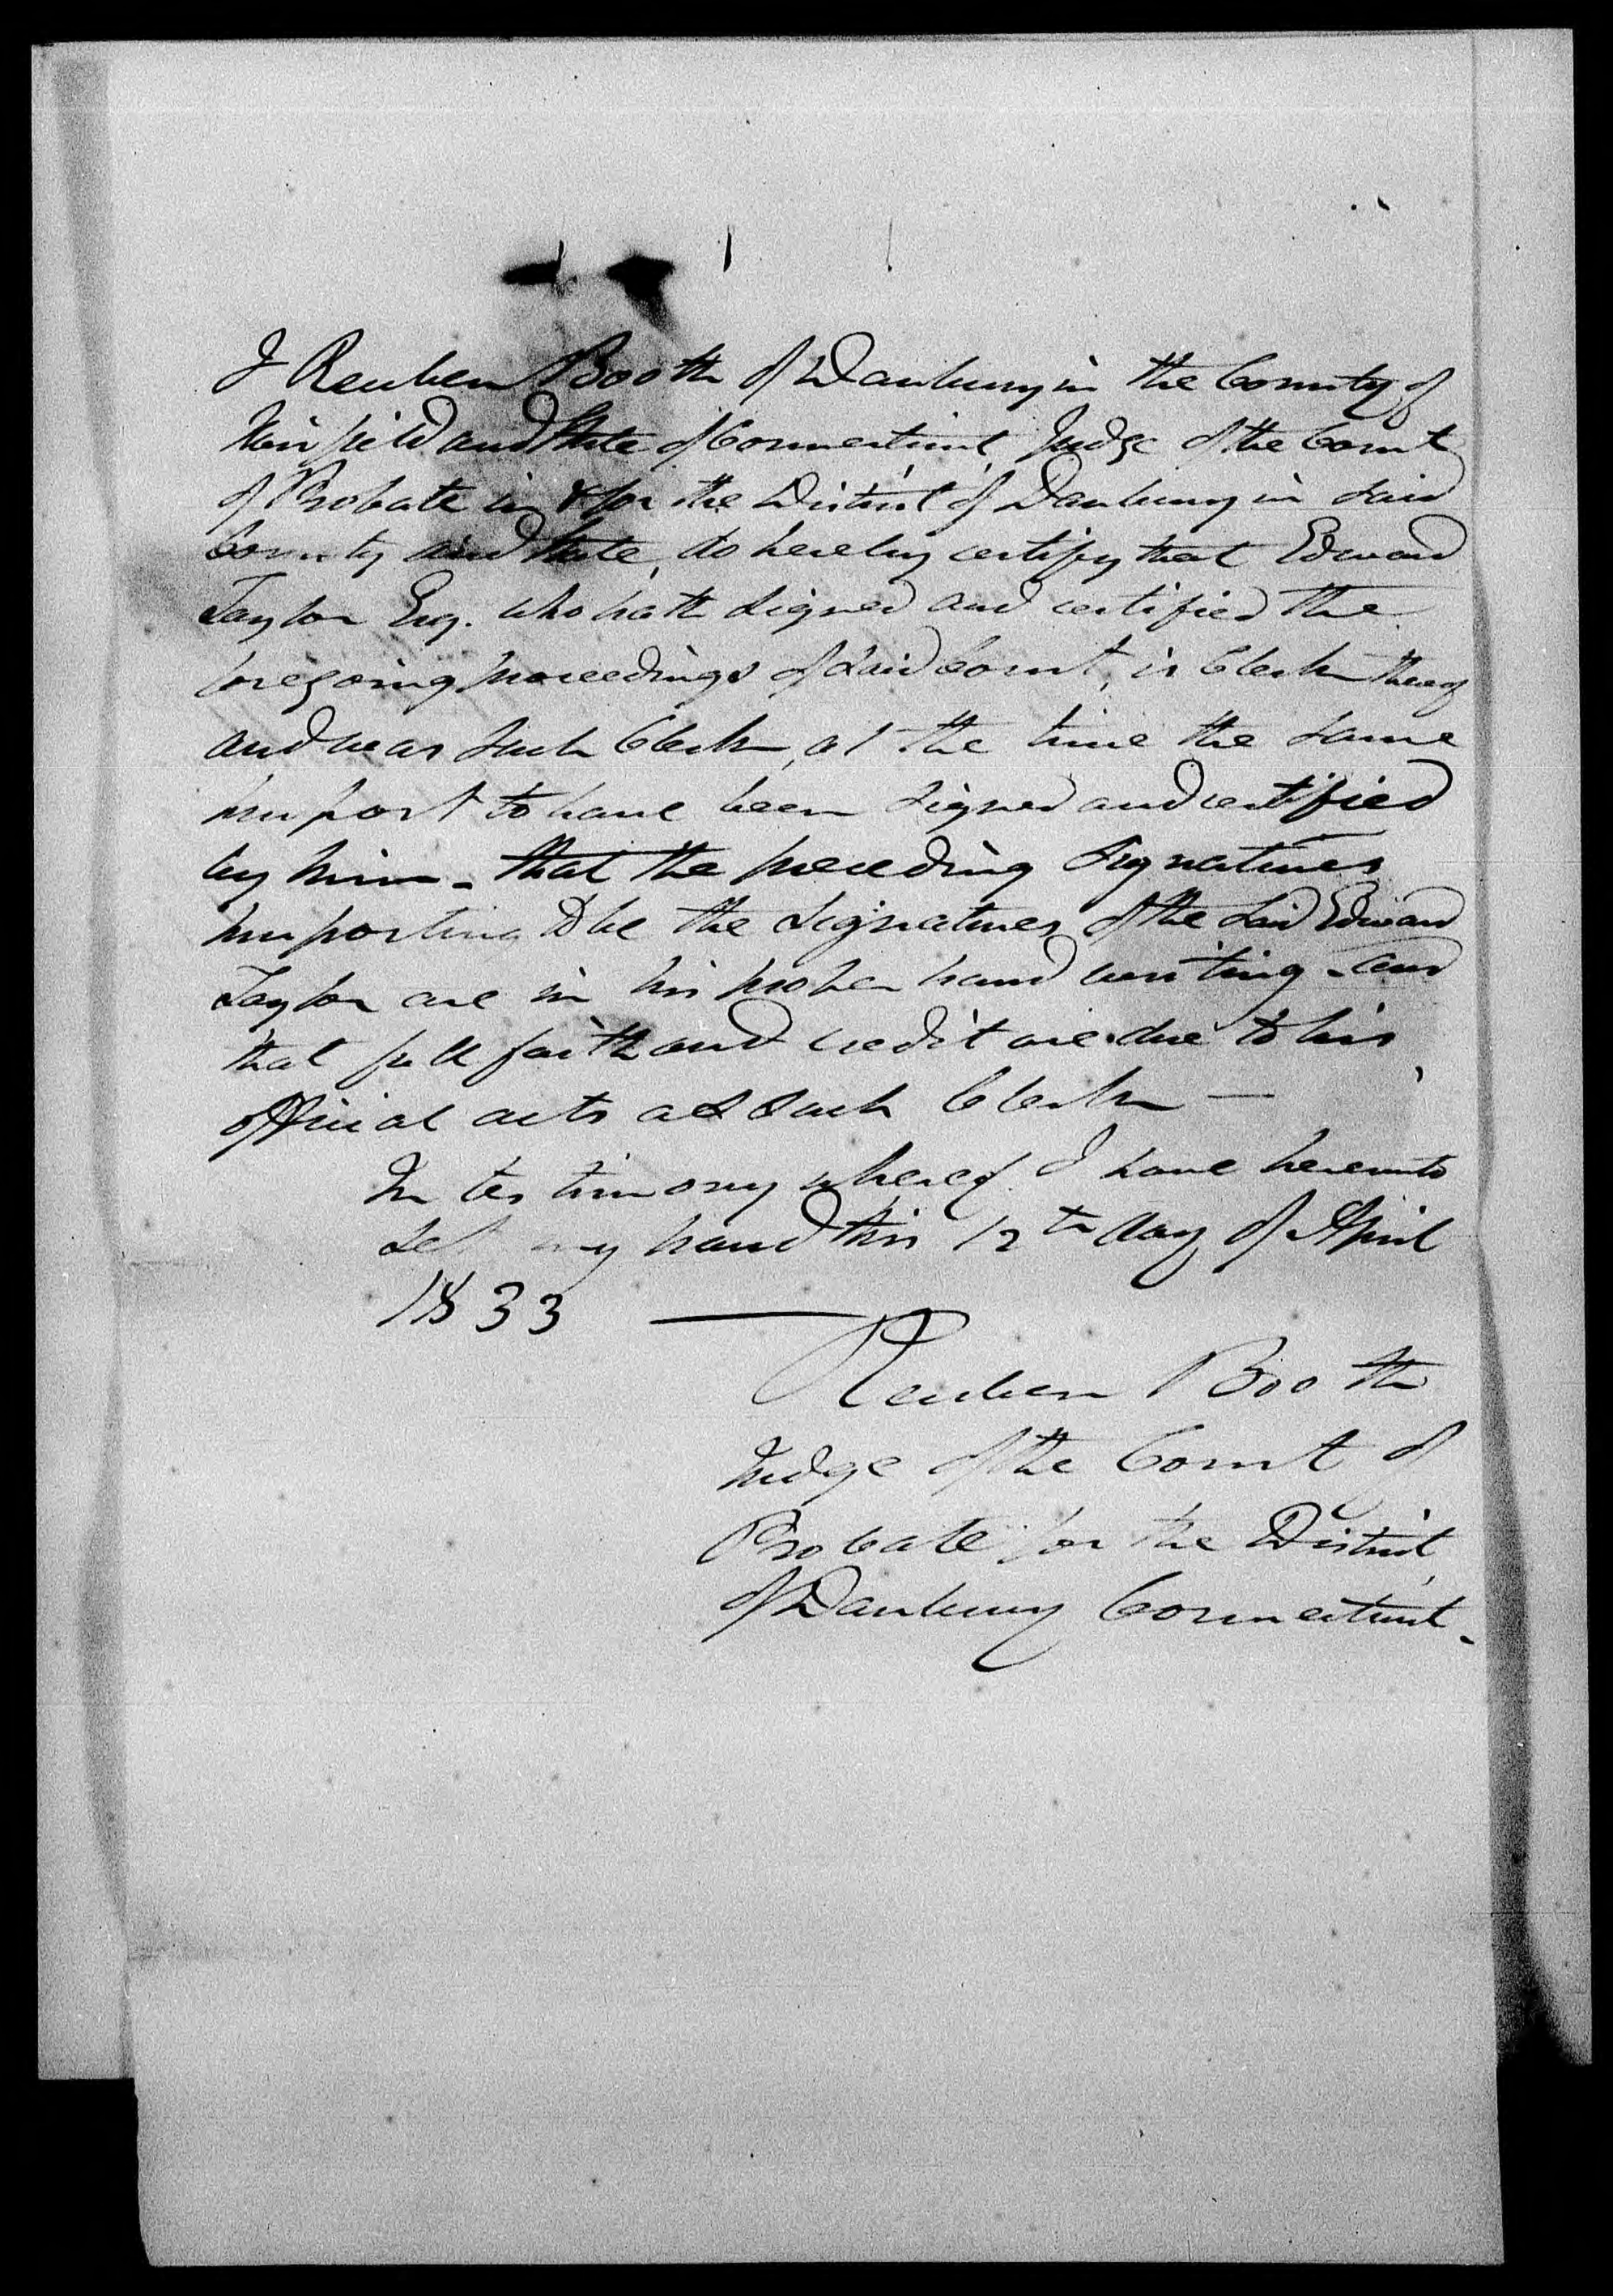I Reuben Booth of Danbury in the County of
Fairfield and state of Connecticut Judge of the Court of Probate for the District of Danbury in said County and State do hereby certify that Edward Taylor Esq. who hath signed and certified the foregoing proceedings of said Court is Clerk thereof and was such Clerk at the time the same purport to have been signed and certified
by him that the preceding signatures
purporting to be the signatures of the said Edward Taylor are in his proper hand writing and that full faith and credit are due to his
official acts as such Clerk
In testimony whereof I have hereunto
set my hand this 12th day of April
1833
-
Reuben Booth
Judge the Court of
Probate of the District
of Danbury Connecticut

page: 24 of 29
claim: survivor's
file: S. 23,312, for Samuel Mallery, Connecticut